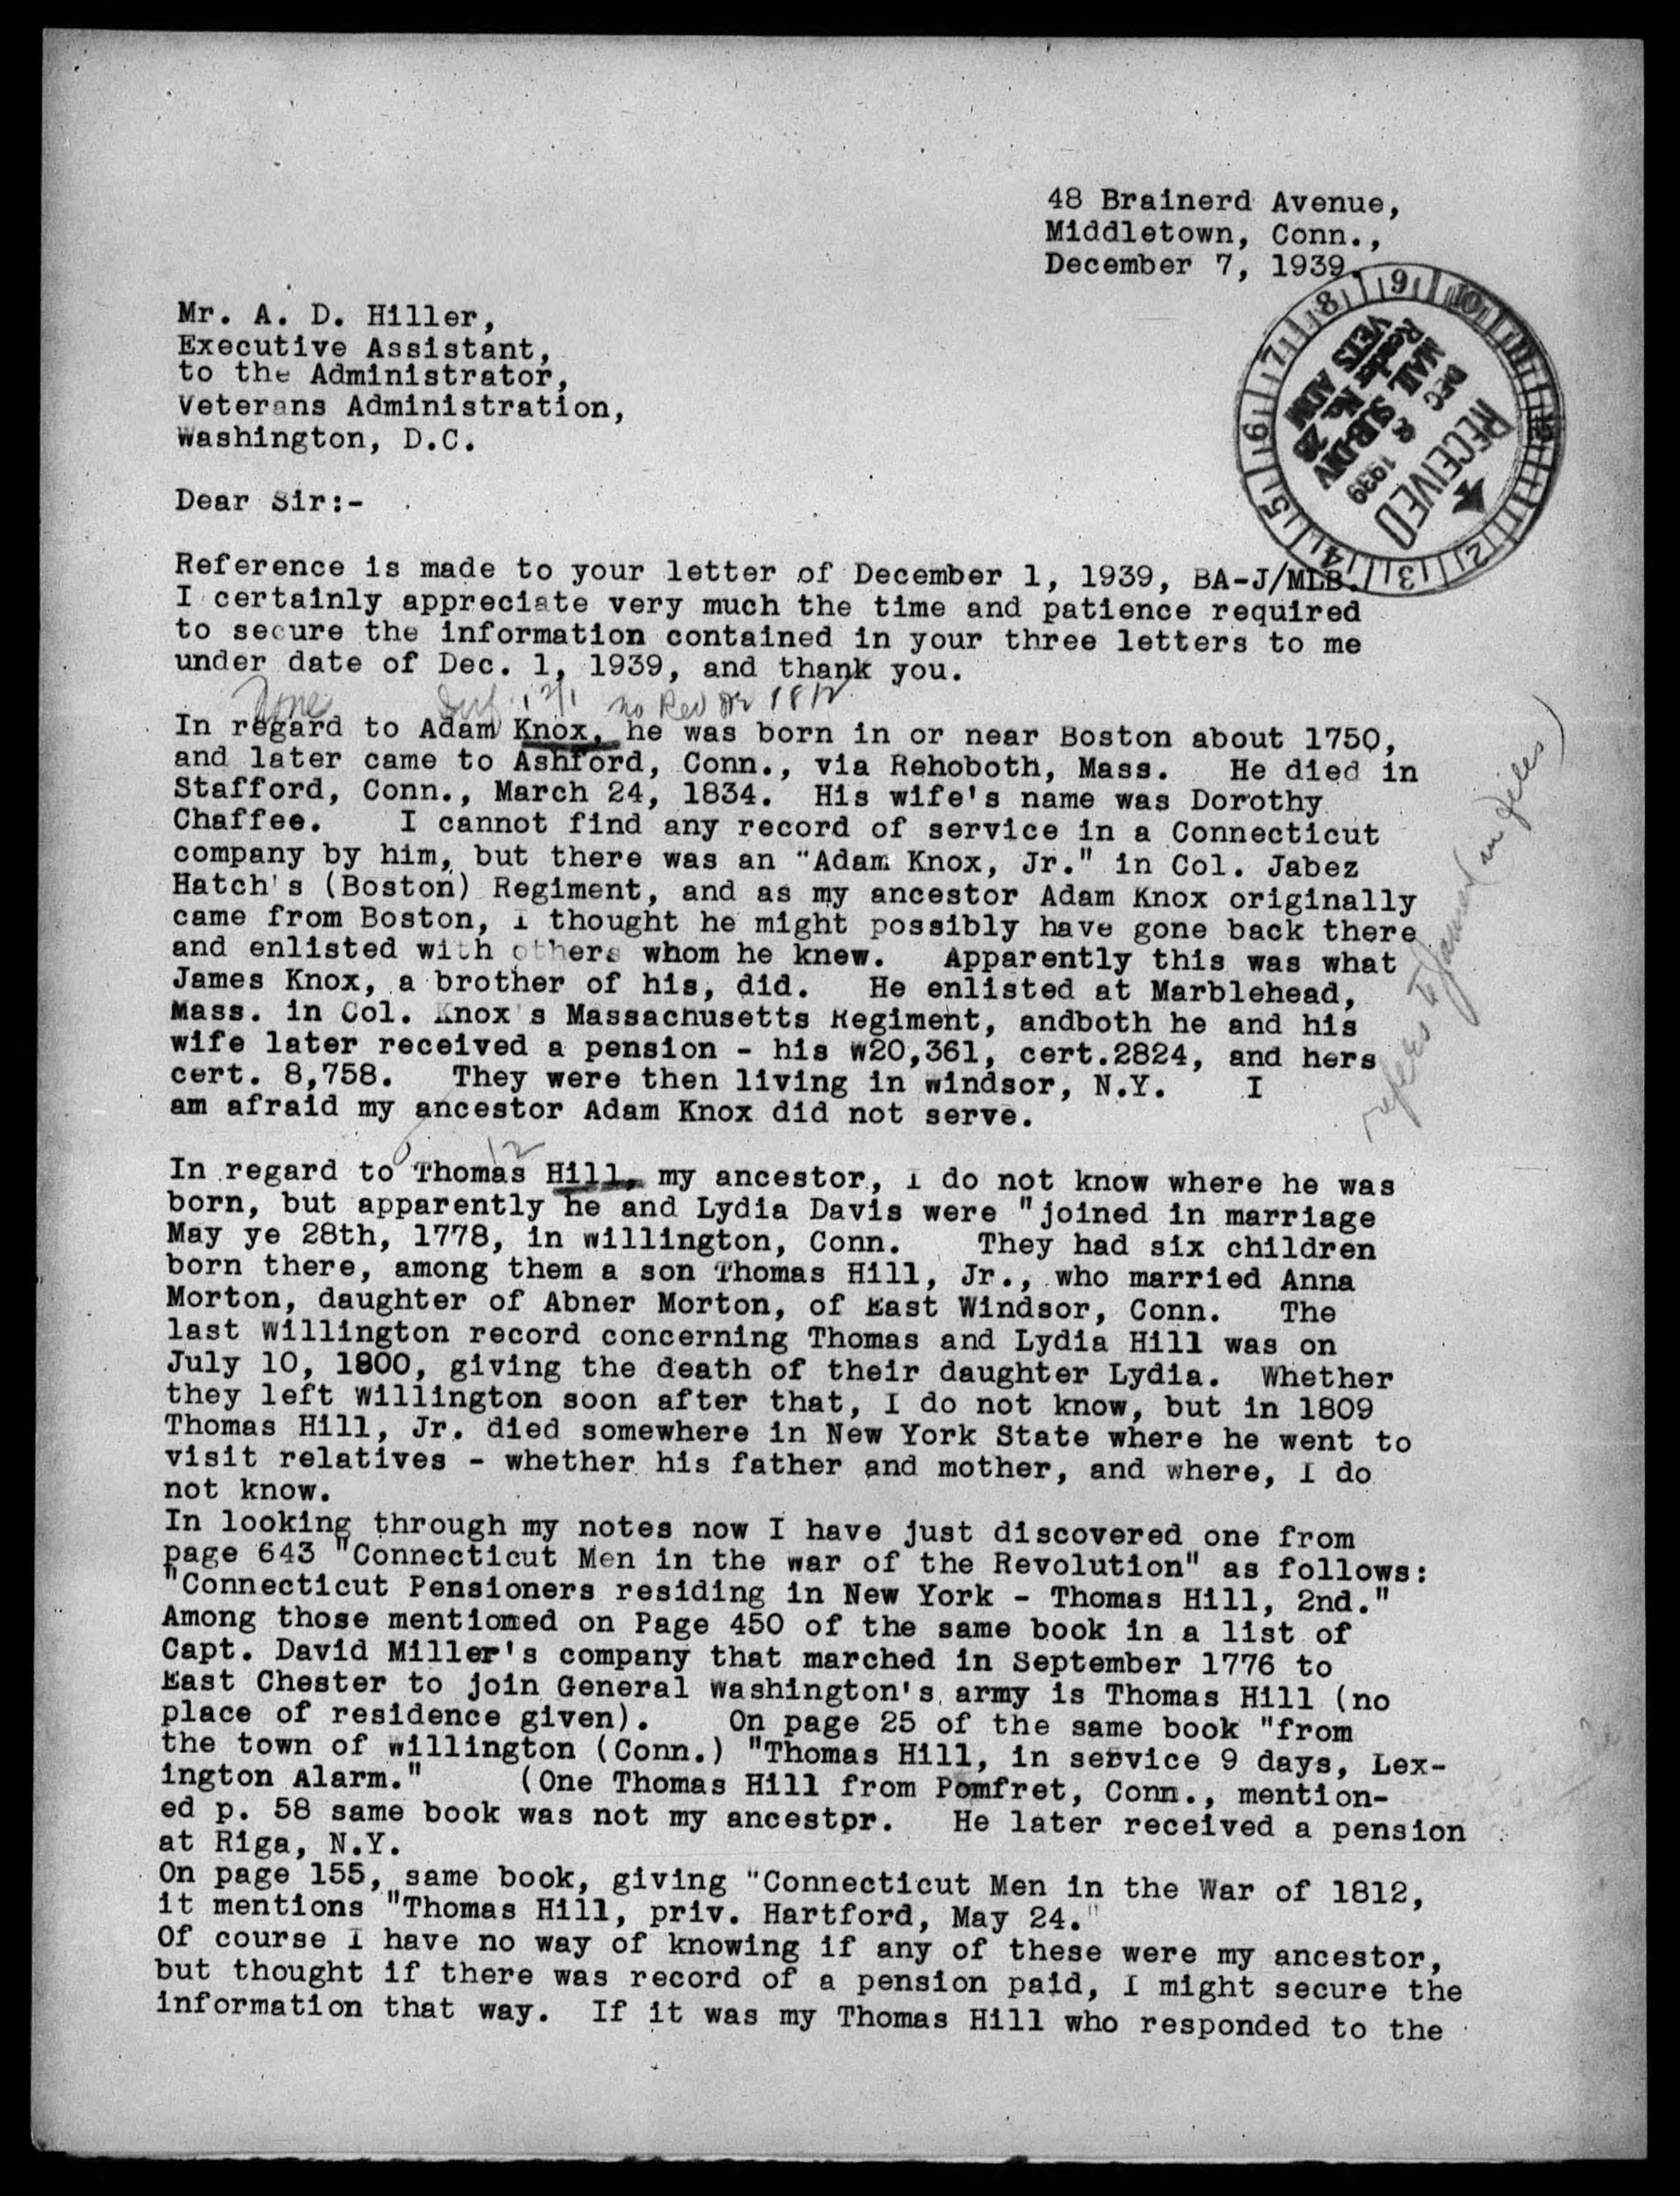[top of document, right-aligned] 48 Brainerd Avenue, Middletown, Conn., December 7, 1939
[near top of document, left-aligned] Mr. A. D. Holler, Executive Assistant, to the Administrator, Veterans Administration, Washington, D.C.
[stamp under address, right] RECIEVED DEC 8 1939 MAIL SUB-DIV Reader No. 28 VETS ADM

[left aligned] Dear Sir:-
Reference is made to your letter of December 1, 1939, BA-J/MLB. I certainly appreciate very much the time and patience required to secure the information contained in your three letters to mee under date of Dec. 1, 1939, and thank you.
[handwritten] [ineligible] no Red [ineligible] 1812
In regard to Adam Knox [“Knox” underlined], he was born in or near Boston about 1750, and later came to Ashford, Conn., via Rehoboth, Mass. He died in Stafford, Conn., March 24, 1834. His wife’s name was Dorothy Chaffee. I cannot find any record of service in a Connecticut company by him, but there was an “Adam Knox, Jr.” in Col. Jabez Hatch’s (Boston) Regiment, and as my ancestor Adam Knox originally came from Boston, I thought he might possibly have gone back there and enlisted with others whom he knew. Apparently this was what James Knox, a brother of his, did. He enlisted at Marblehead, Mass. in Col. Knox’s Massachusetts Regiment, andboth he and his wife later received a pension - his W20,361, cert. 2824, and hers cert. 8,758. They were then living in Windsor, N.Y. I am afraid my ancestor Adam Knox did not serve.
[right margins, slanted upward, handwritten] refers to Jauren (am Jeles)
[handwritten in space above “Hill”] 12
In regard to Thomas Hill [black mark/underline under “Hill”] my ancestor, I do not know where he was born, but apparently he and Lydia Davis were “joined in marriage May ye 28th, 1778, in Willington, Conn. They had six children born there, among them a son Thomas Hill, Jr., who married Anna Morton, daughter of Abner Morton, of East Windsor, Conn. The last Willington record concerning Thomas and Lydia Hill was on July 10, 1800, giving the death of their daughter Lydia. Whether they left Willington soon after that, I do not know, but in 1809 Thomas Hill, Jr. died somewhere in New York State where he went to visit relatives - whether his father and mother, and where, I do not know.
In looking through my notes now I have just discovered on from page 643 “Connecticut Men in the War of the Revolution” as follows: “Connecticut Pensioners residing in New York - Thomas Hill, 2nd.” Among those mentioned on Page 450 of the same book in a list of Capt. David Miller’s company that marched in September 1776 to East Chester to join General Washington’s army is Thomas Hill (no place of residence given). On page 25 of the same book “from the town of Willington (conn.) “Thomas Hill, in service [r in “service” covering a “5”] 9 days, Lex-ington Alarm.” (One Thomas Hill from Pomfret, Conn., mention-ed p. 58 same book was not my ancestor [“o” covering a “p”]. He later received a pension at Riga, N.Y.
On page 155, same book, giving “Connecticut Men in the War of 1812, it mentions “Thomas Hill, priv. Hartford, May 24. [handwritten]”
Of course I have no way of knowing if any of these were my ancestor, but thought if there was record of a pension paid, I might secure the information that way. If it was my Thomas Hill who responded to the [end of page]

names: A D Hiller, Lydia Hill, Adam Knox, Abner Morton, Thomas Hill, Thomas Hill, Thomas Hill, Thomas Hill, Adam Knox, Lydia Davis, Thomas Hill, Thomas Hill, Thomas Hill, Thomas Hill, Adam Knox, James Knox, Abner Morton, Thomas Hill, Dorothy Chaffee, Thomas Hill, Adam Knox, Lydia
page: 25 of 31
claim: survivor's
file: S. 43672, Thomas Hill, New York